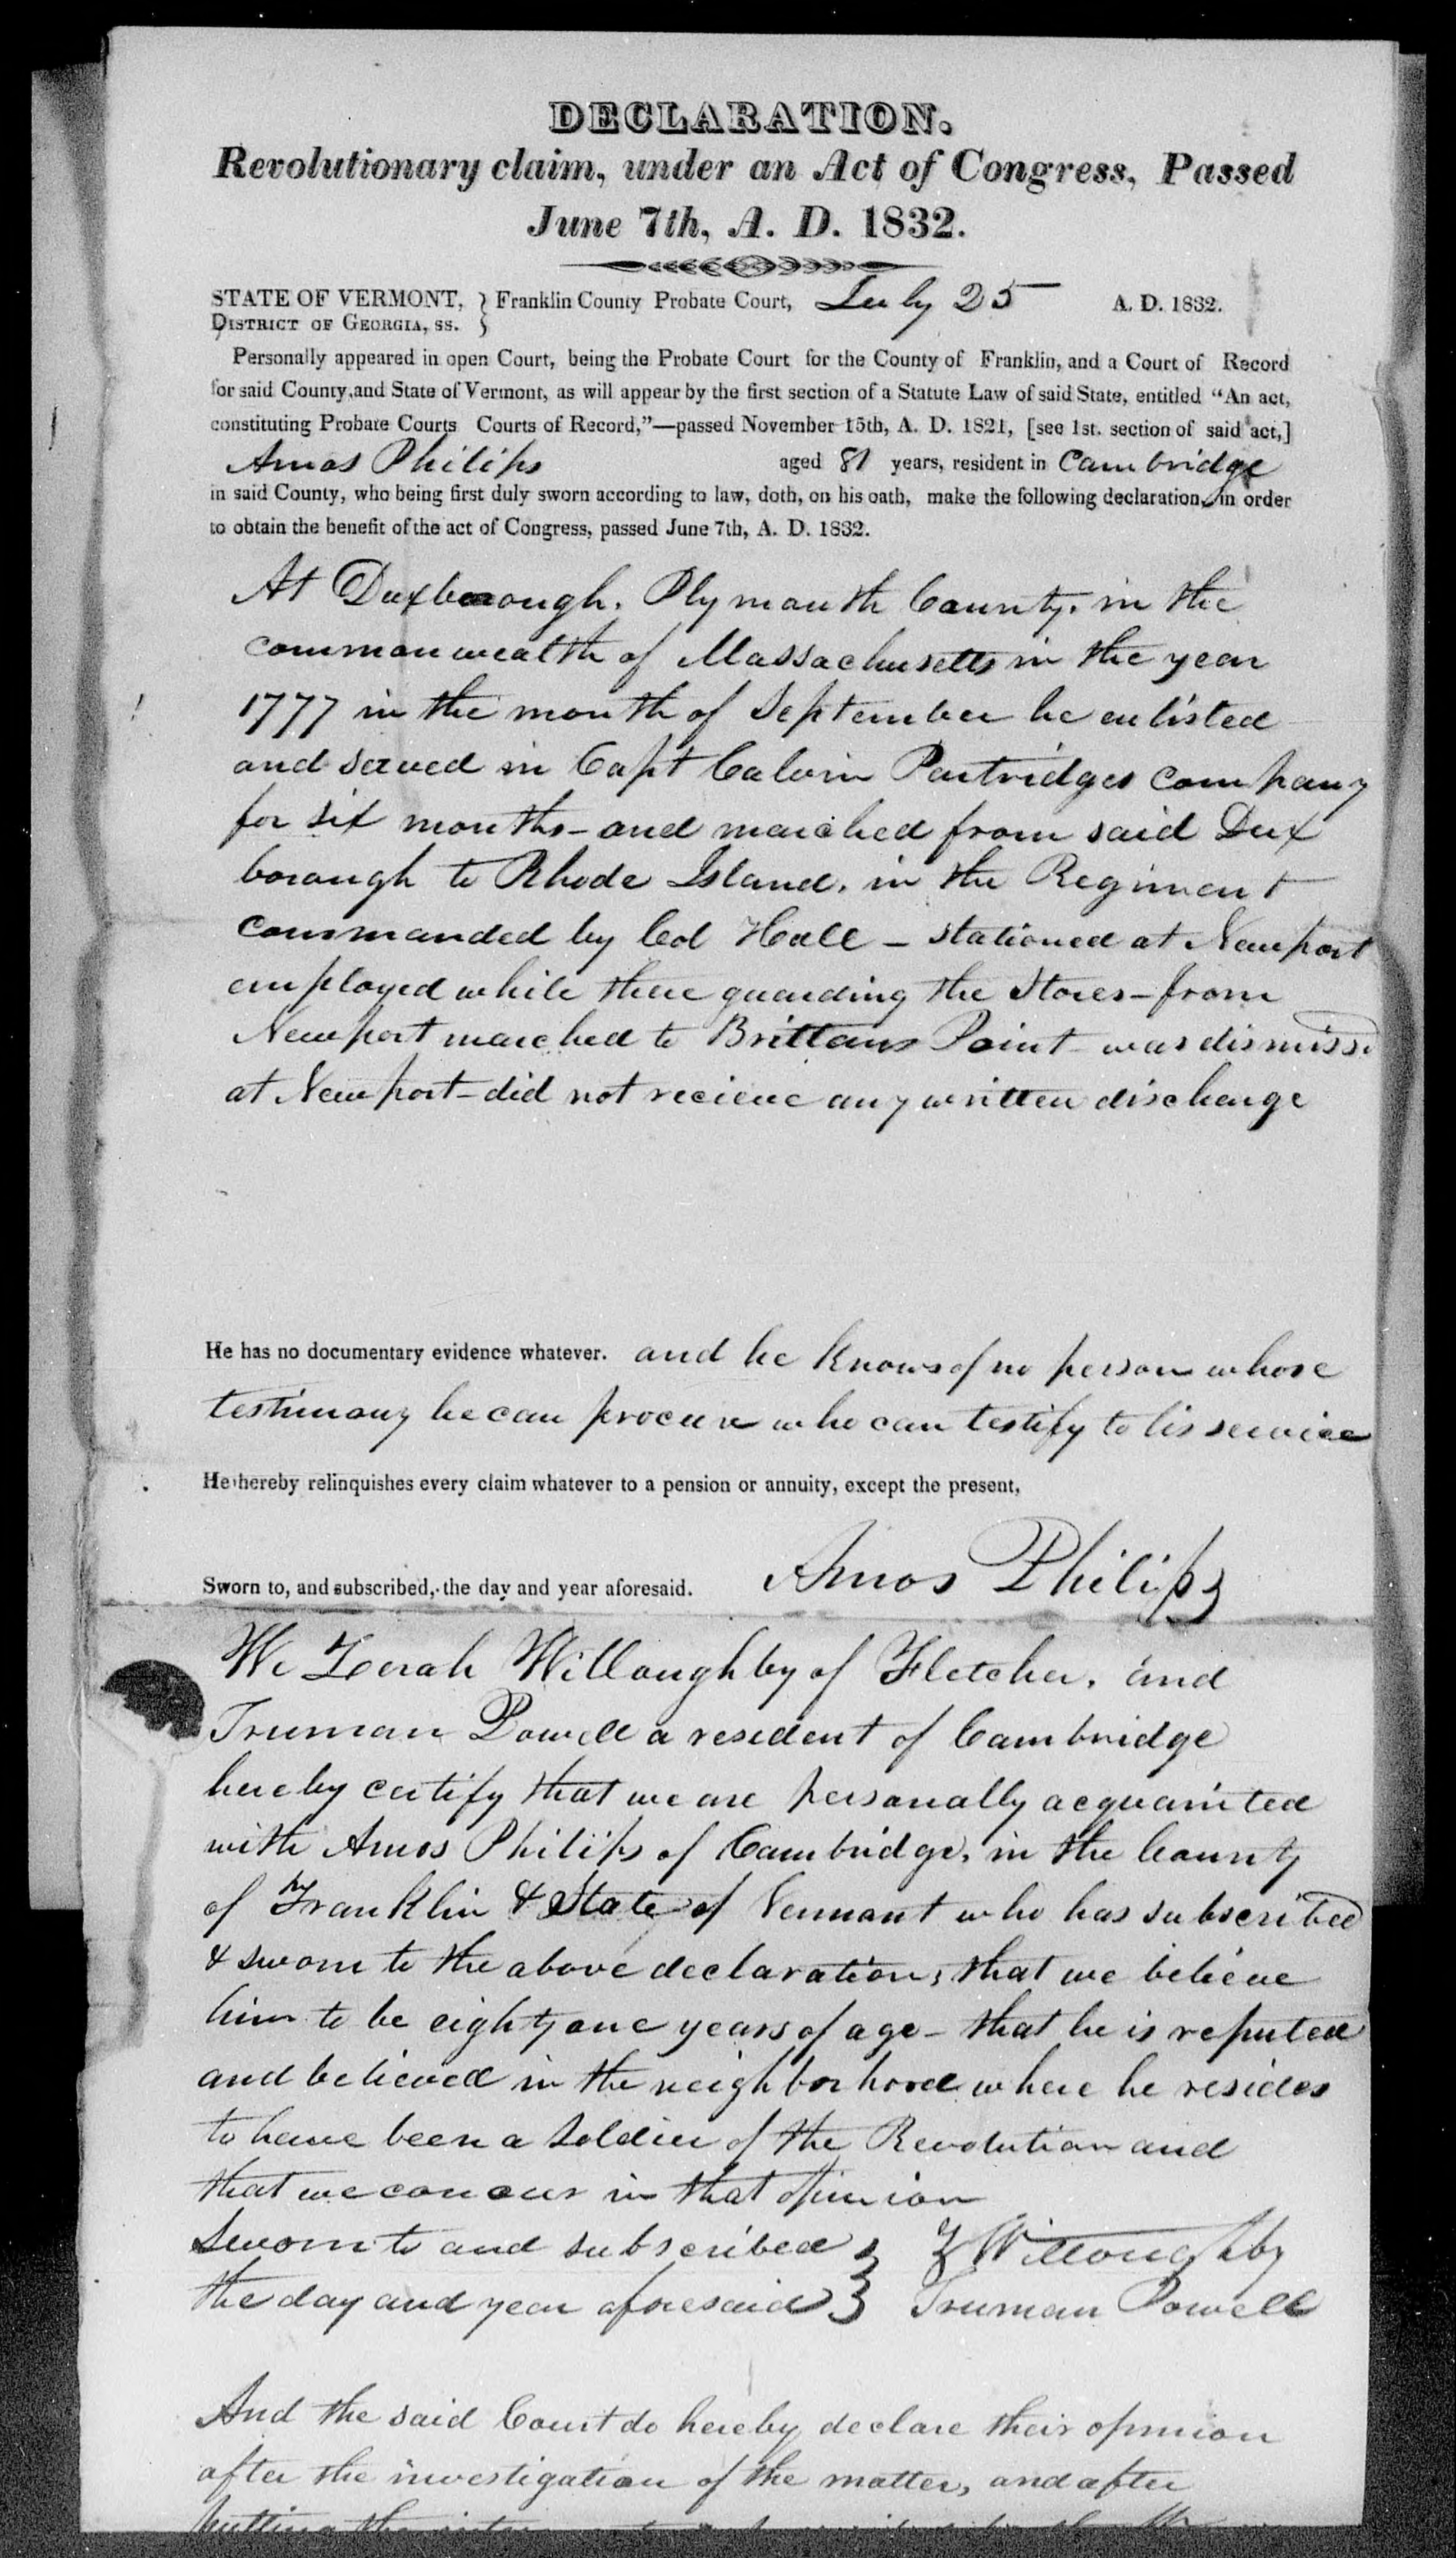[Preprinted form with handwritten answers]
DECLARATION.
Revolutionary claim, under an Act of Congress, Passed June 7th, A. D. 1832.
STATE OF VERMONT, DISTRICT OF GEORGIA, SS. Franklin County Probate Court, July 25
A. D. 1832. Personally appeared in open Court, being the Probate Court for the County of Franklin, and a Court of Record for said County, and State of Vermont, as will appear by the first section of a Statute Law of said State, entitled "An act constituting Probate Courts Court of Record," -- passed November 15th, A. D. 1821, [see 1st. section of said act,]
Amos Philips aged 81 years, resident in Cambridge in said County, who being first duly sworn according to law, doth, on his oath, make the following declaration in order to obtain the benefit of the act of Congress, passed June 7th, A.D. 1832.
At Duxbrough, Plymouth County in the
Commonwealth of Massachusetts in the year
1777 in the month of September he enlisted
and served in Capt Calvin Partridges company
for six months and marched from said Duxborough to Rhode Island, in the Regiment
commanded by Col Hull - stationed at Newport employed while there guarding the stores -from Newport marched to Brittans Point was dismissed at Newport did not recieve any written discharge
He has no documentary evidence whatever. and he knows of no person whose
testimony he can procure who can testify to his service
He hereby relinquishes every claim whatever to a pension or annuity, except the present,
Sworn to and subscribed the day and year aforesaid. Amos Philip
We Zerah Willoughby of Fletcher, and Truman Powell a resident of Cambridge hereby certify that we are personally acquainted with
Amos Philips of Cambridge, in the County
of Franklin & State of Vermont who has subscribed & sworn to the above declaration, that we believe him to be eighty one years of age - that he is reputed and believed in the neighborhood where he resides to have been a soldier of the Revolution and that we concur in that opinion
Sworn to and subscribed the day and year aforesaid Z Willoughby Truman Powell
And the said Court do hereby declare their opinion after the investigation of the matter, and after putting the [rest is illegible]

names: [BLANK] Hall; Amos Philips; Zerah Willoughby; Freeman Powell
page: 25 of 26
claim: widow's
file: W. 26,886, for Amos Phillips, Massachusetts